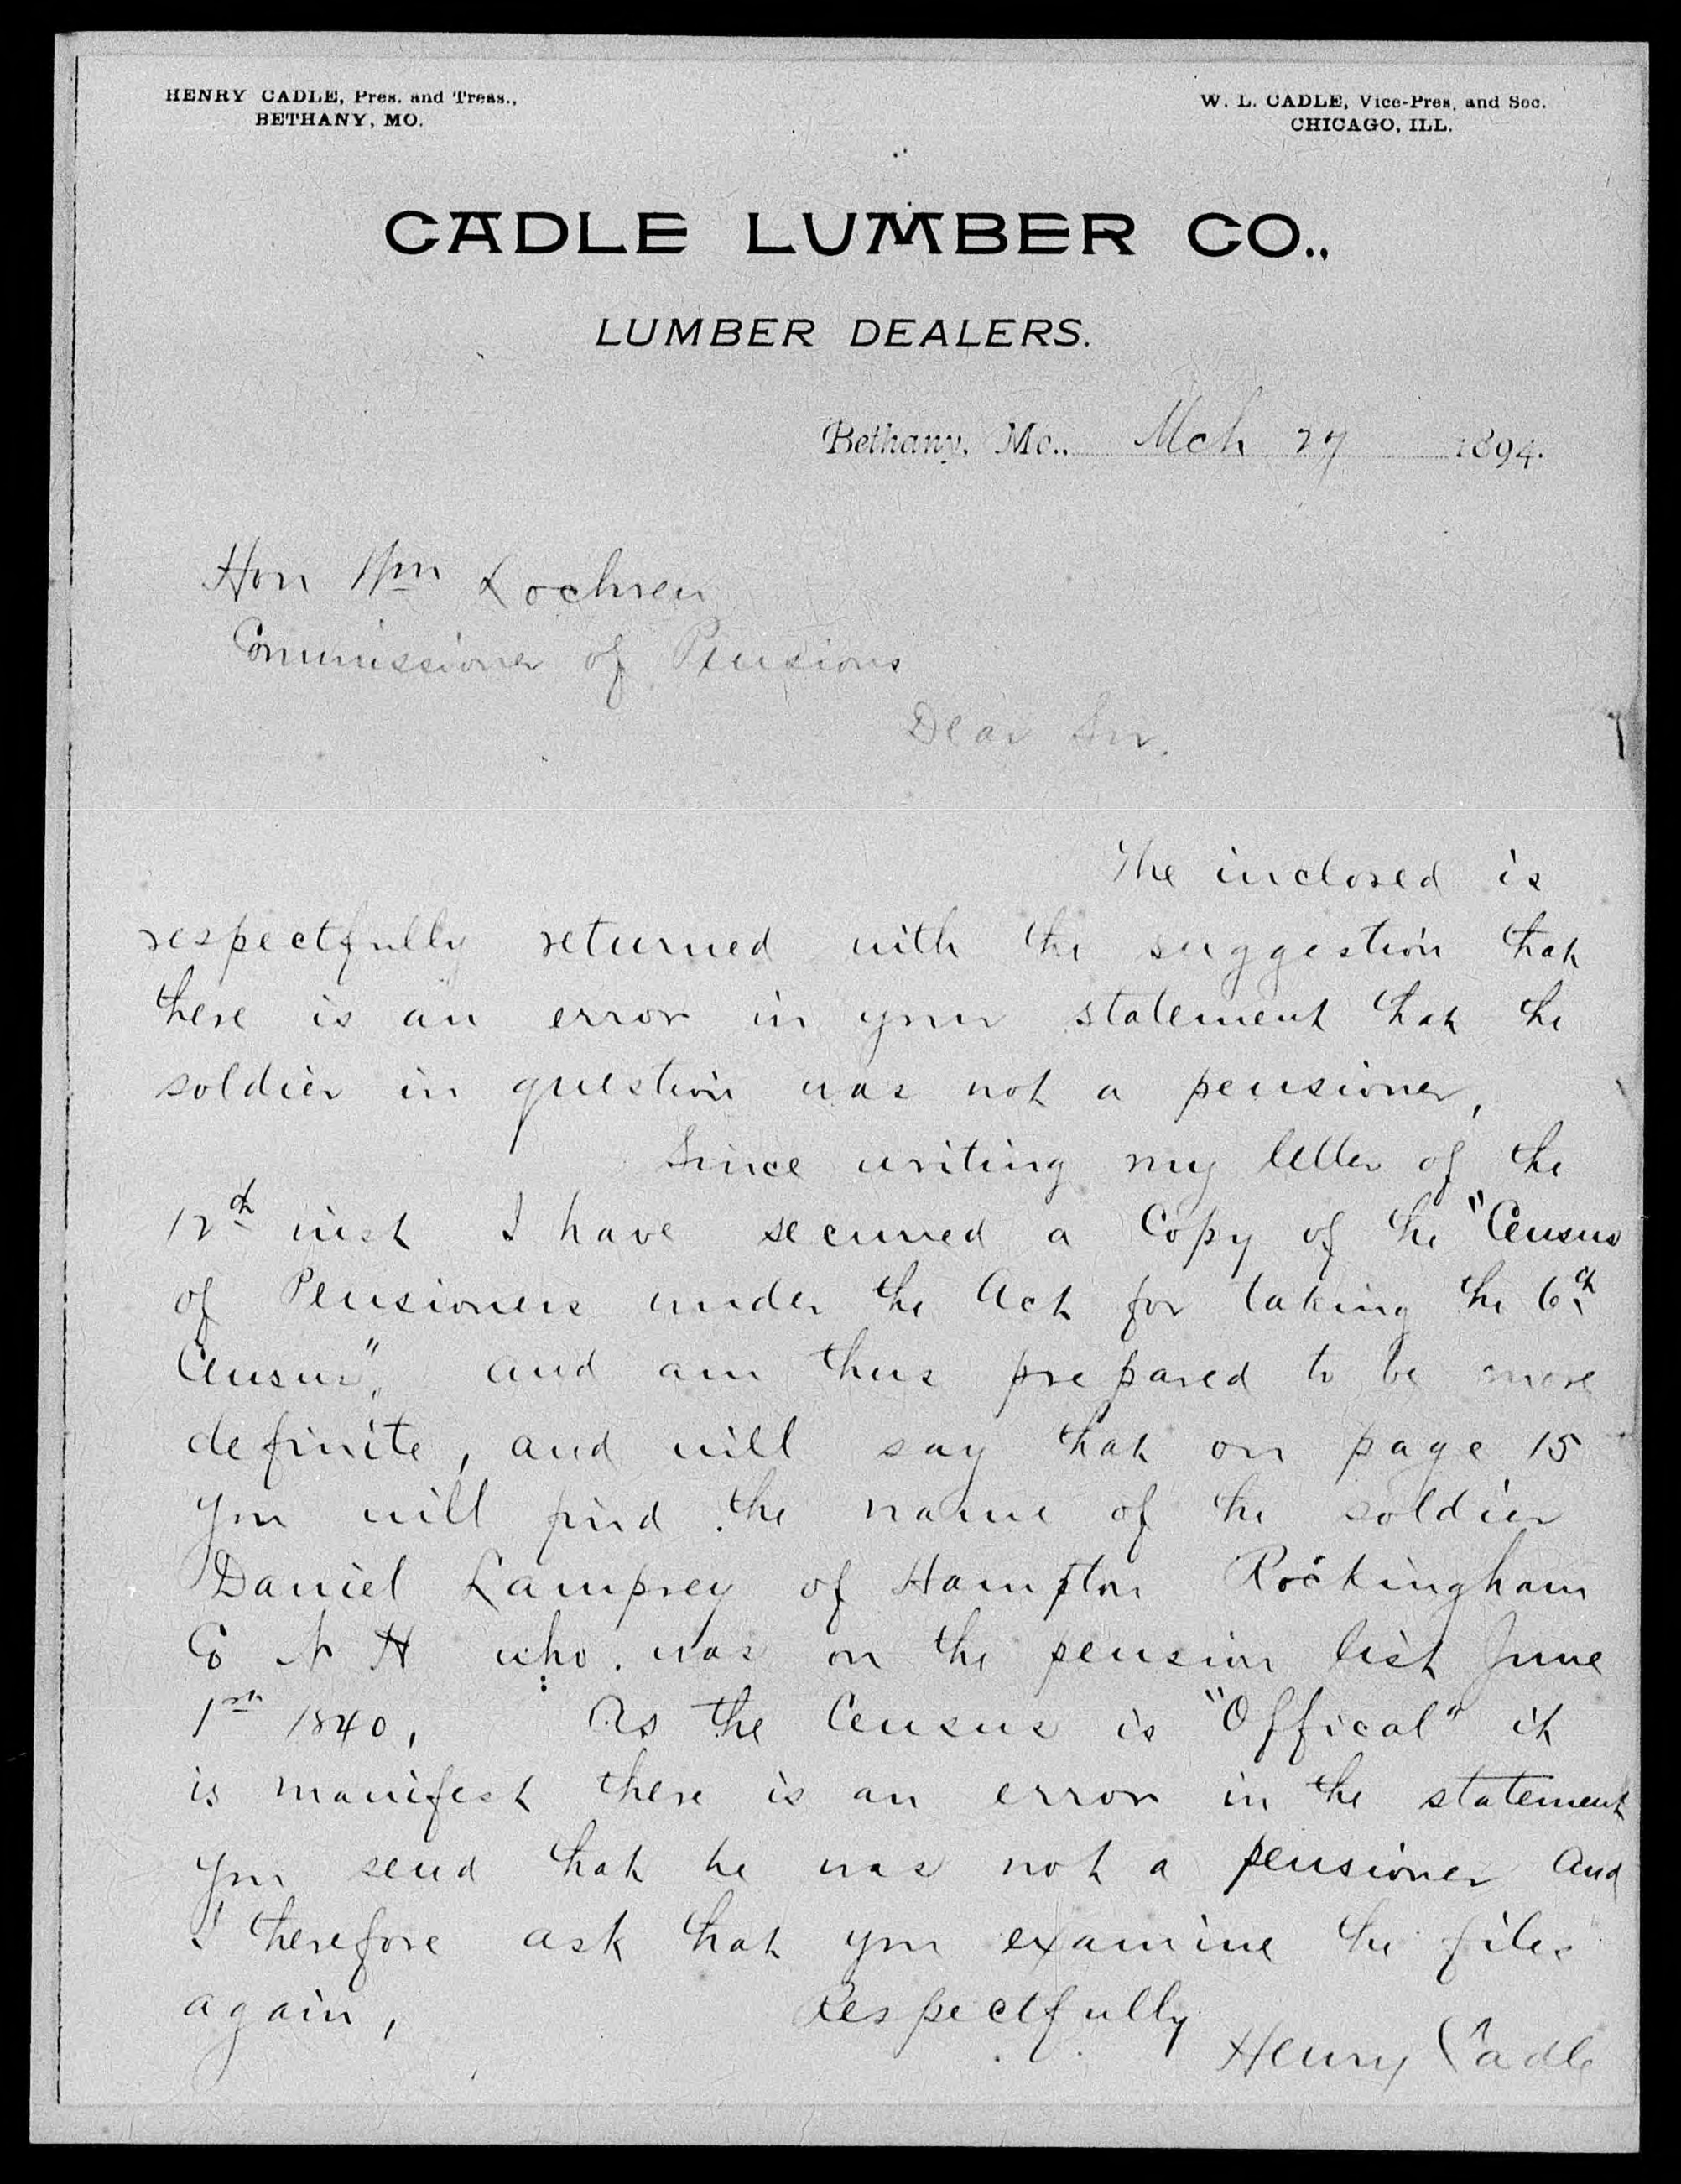HENRY CADLE, Pres. and Treas.,
BETHANY, MO.
W. L. CADLE, Vice-Pres. and Sec.
CHICAGO, ILL.
CADLE LUMBER CO.
LUMBER DEALERS.
Bethany, Mo. Mch 27 1894.

Hon Wm Lochren
Commissioner of Pensions
Dear Sir

The inclosed [ENCLOSED] is respectfully returned with the suggestion that there is an error in your statement that the soldier in question was not a pensioner,
Since writing my letter of the 12th inst [this month] I have secured a copy of the "Census of
Pensioners under the act for taking the 6th
Census" and am thus prepared to be more
definite, and will say that on page 15 you will find the name of the soldier Daniel Lamprey of Hampton Rockingham Co N H who was on the pension list June 1st 1840. As the census is "Official" it is manifest there is an error in the statement You said that he was not a pensioner and I therefore ask that you examine the files again,
Respectfully
Henry Cadle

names: W L Cadle; Wm Lochren; Daniel Lamprey; Henry Cadle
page: 42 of 53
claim: widow's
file: W. 492, for Daniel Lamprey, New Hampshire